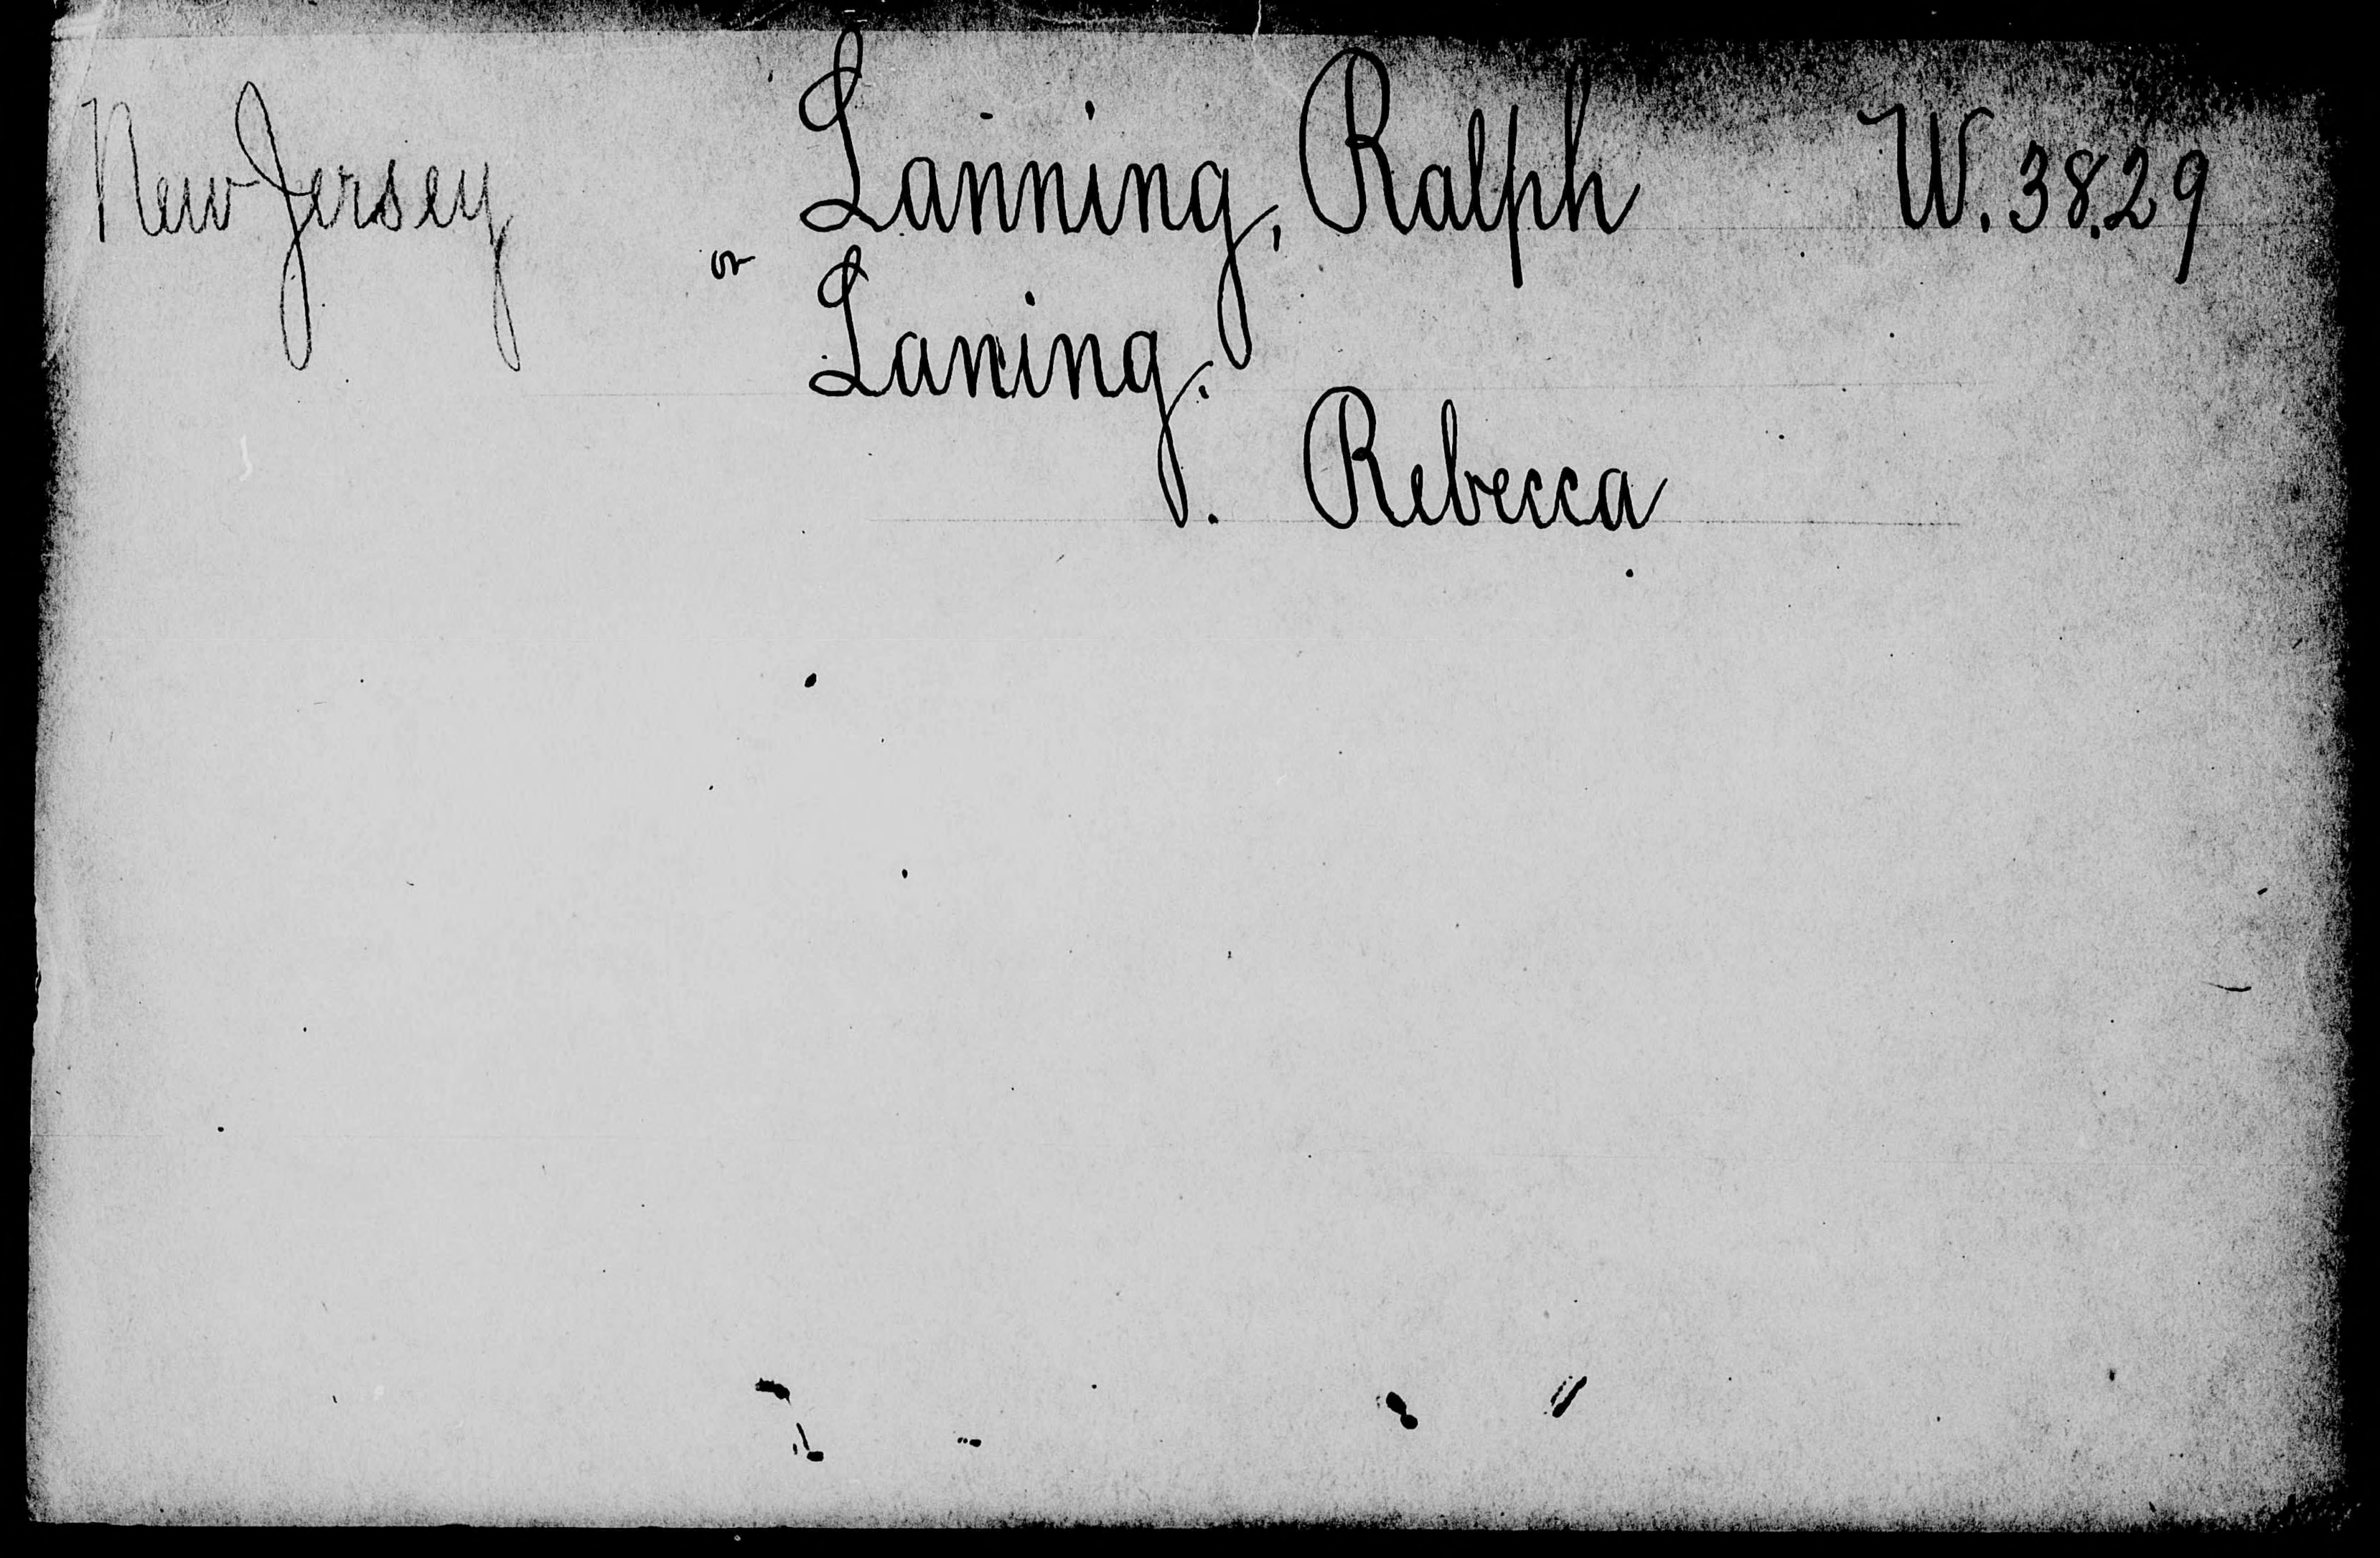New Jersey    
Lanning, Ralph 
or Laning.    
Rebecca
W.3829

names: Ralph Laning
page: 1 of 1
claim: widow's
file: W. 38,29, for Ralph Lanning, New Jersey